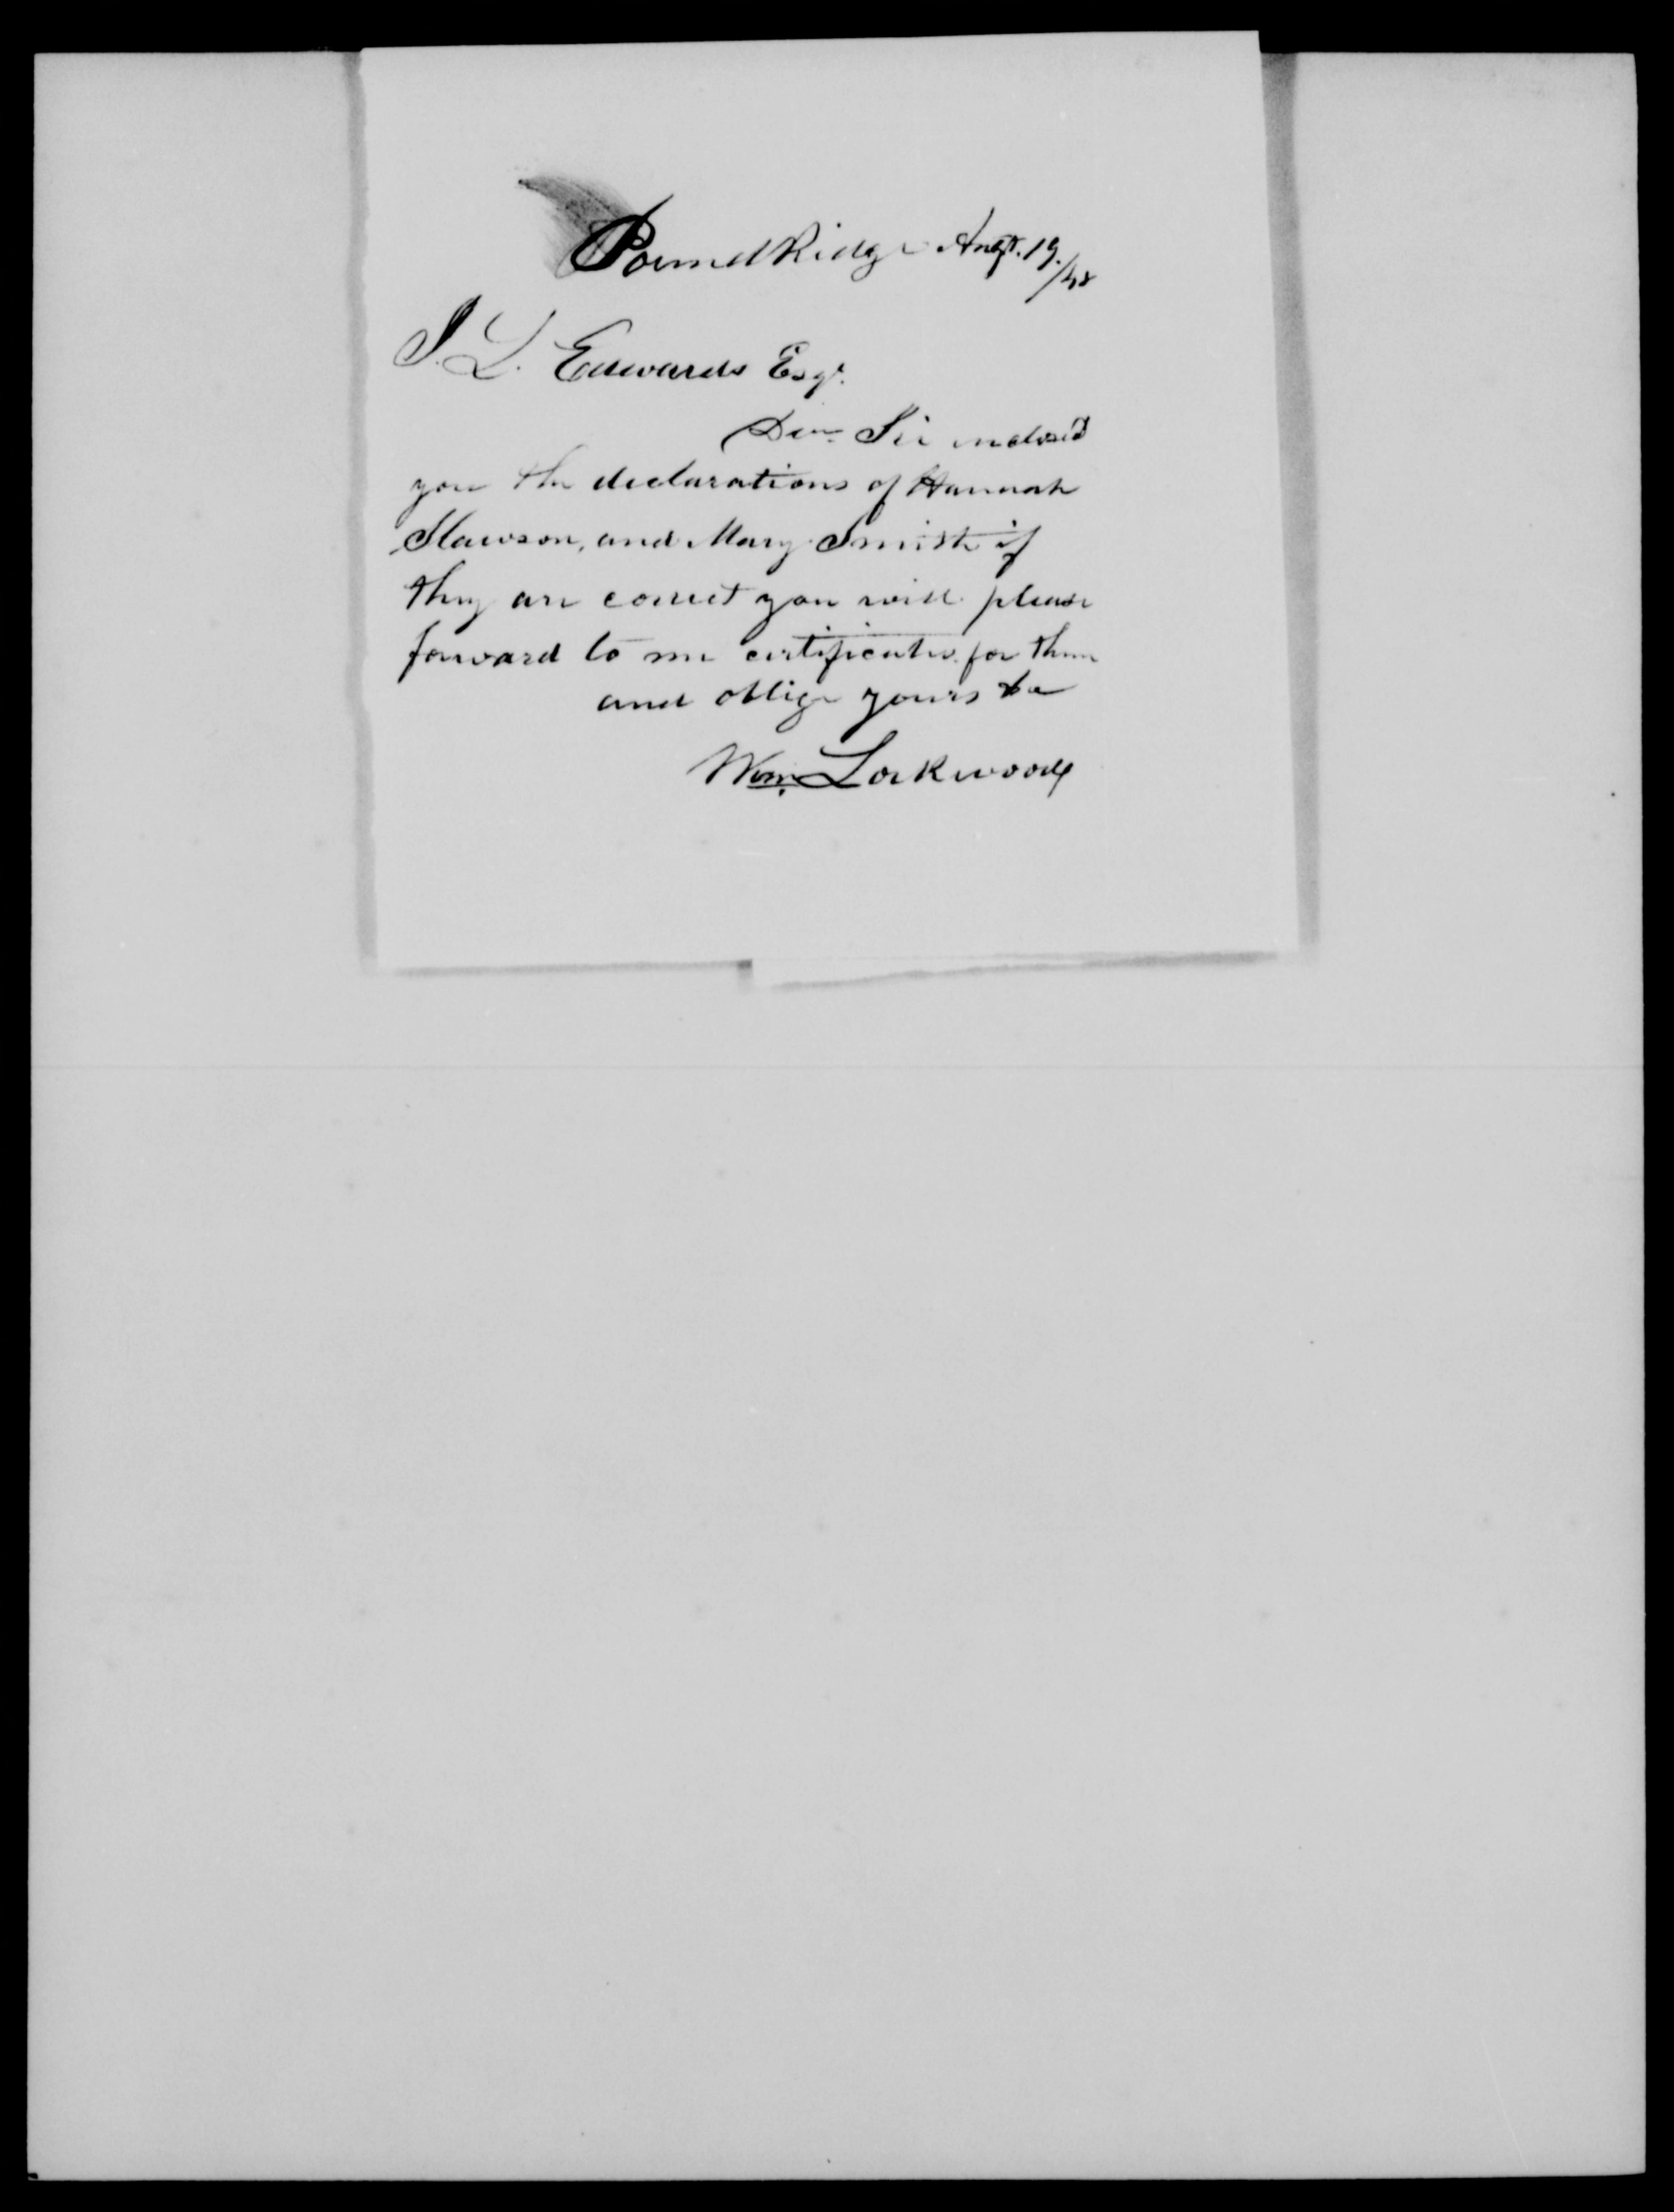Pound Ridge Augt. 19 / 48 
J. L. Edwards Esqr 
Dr Sir 
Enslosed you the declarations of Hannah Slawson and Mary Smith if they are correct you will please forward to me certificate for them and oblige yours &c 
Wm Lockwood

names: Wm Lockwood; J L Edwards; Mary Smith; Hannah Slawson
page: 35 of 87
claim: widow's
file: W. 22,226, for Nathan Slawson, Connecticut